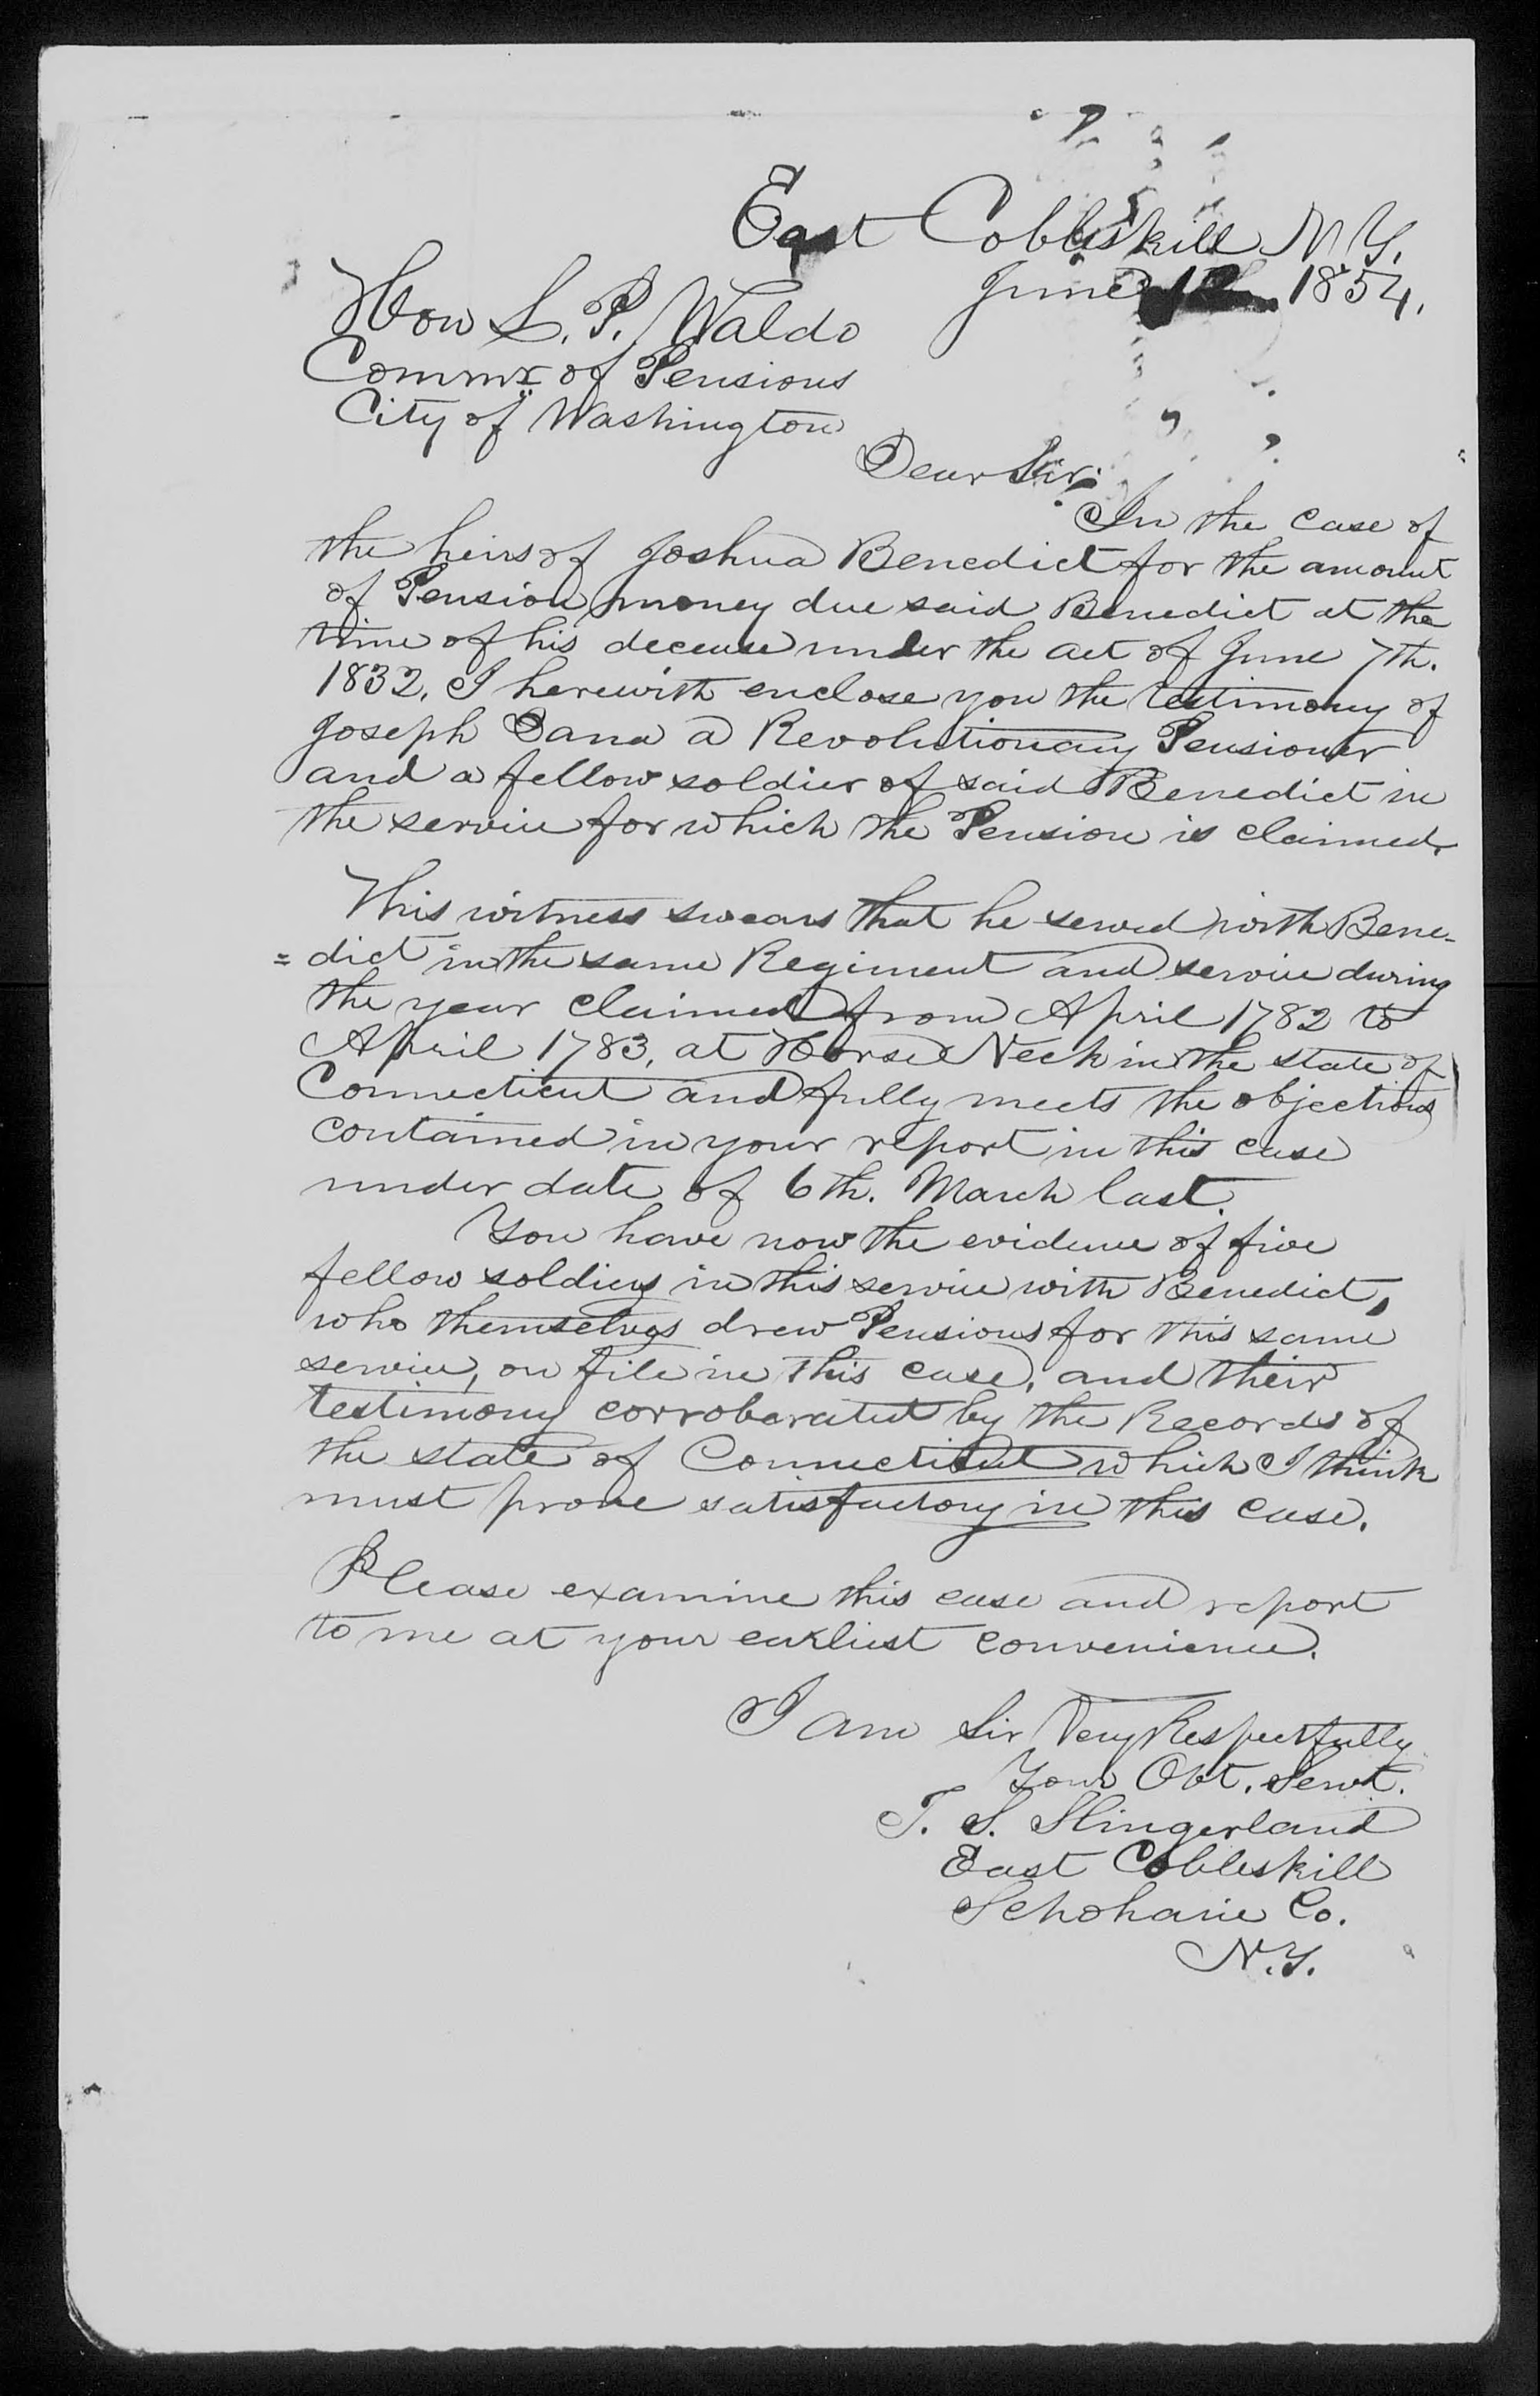East Cobleskill N.Y.
June [illegible] 1854.

Hon L. P. Waldo
Commr of Pensions
City of Washington

Dear Sir:
In the case of the heirs of Joshua Benedict for the amount of Pension money due said Benedict at the time of his decease under the act of June 7th. 1832. I herewith enclose you the testimony of Joseph Dana a Revolutionary Pensioner and a fellow soldier of said Benedict in the service for which the Pension is claimed.

This witness swears that he served with Benedict in the same Regiment and service during the year claimed from April 1782 to April 1783, at Horse Neck in the state of Connecticut and fully meets the objections contained in your report in this case under date of 6th. March last.
You have now the evidence of five fellow soldiers in this service with Benedict who themselves drew Pensions for this same service, on file in this case, and their testimony corroborated by the Records of the state of Connecticut which I think must prove satisfactory in this case.

Please examine this case and report to me at your earliest convenience.

I am Sir Very Respectfully
Your Obt. Servt.
T. S. Slingerland
East Cobleskill
Schoharie Co.
N.Y.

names: L P Waldo, Joseph Dana, Benedict, Joshua Benedict, Benedict, Benedict, T S Slingerland, Benedict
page: 73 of 106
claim: survivor's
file: S 23,116., Joshua Benedict, Conn.